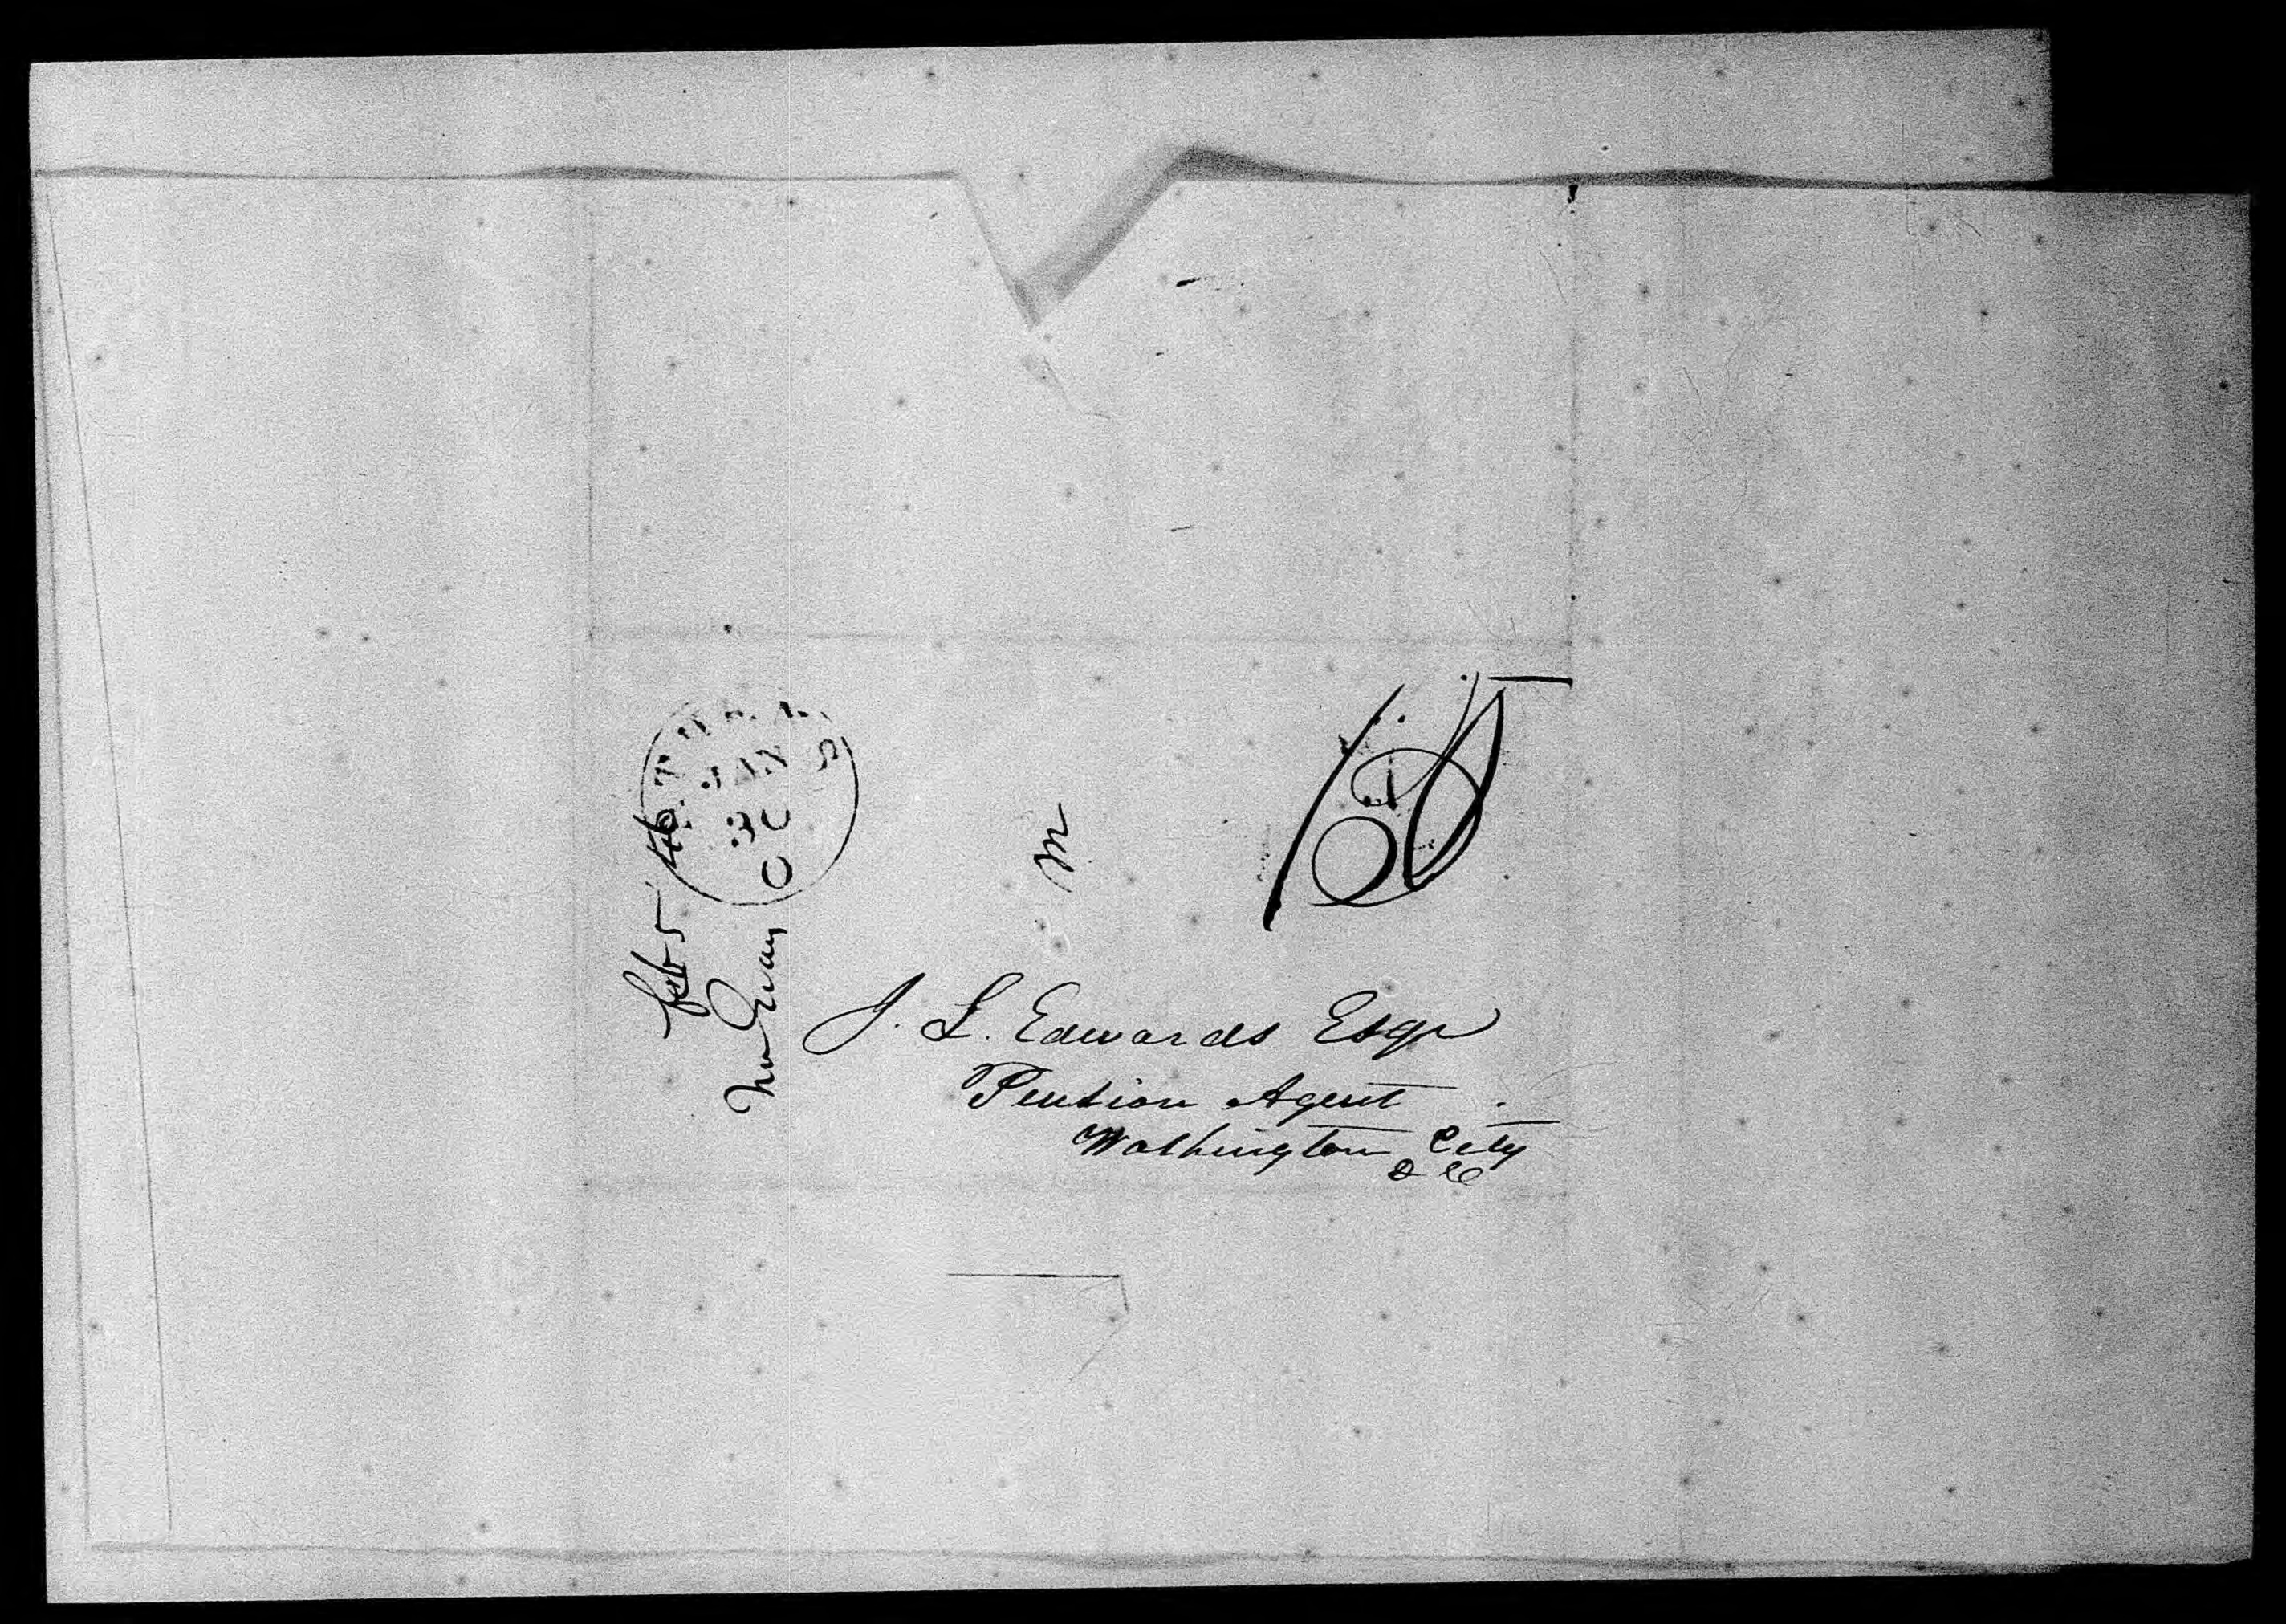Stamp mark:
ATHENS
JAN
30
O

J. L. Edwards Esqr
Pension Agent
Washington City
D C

feb 5 46
[illegible]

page: 28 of 50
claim: widow's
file: W. 4253, for John Kent, Vermont